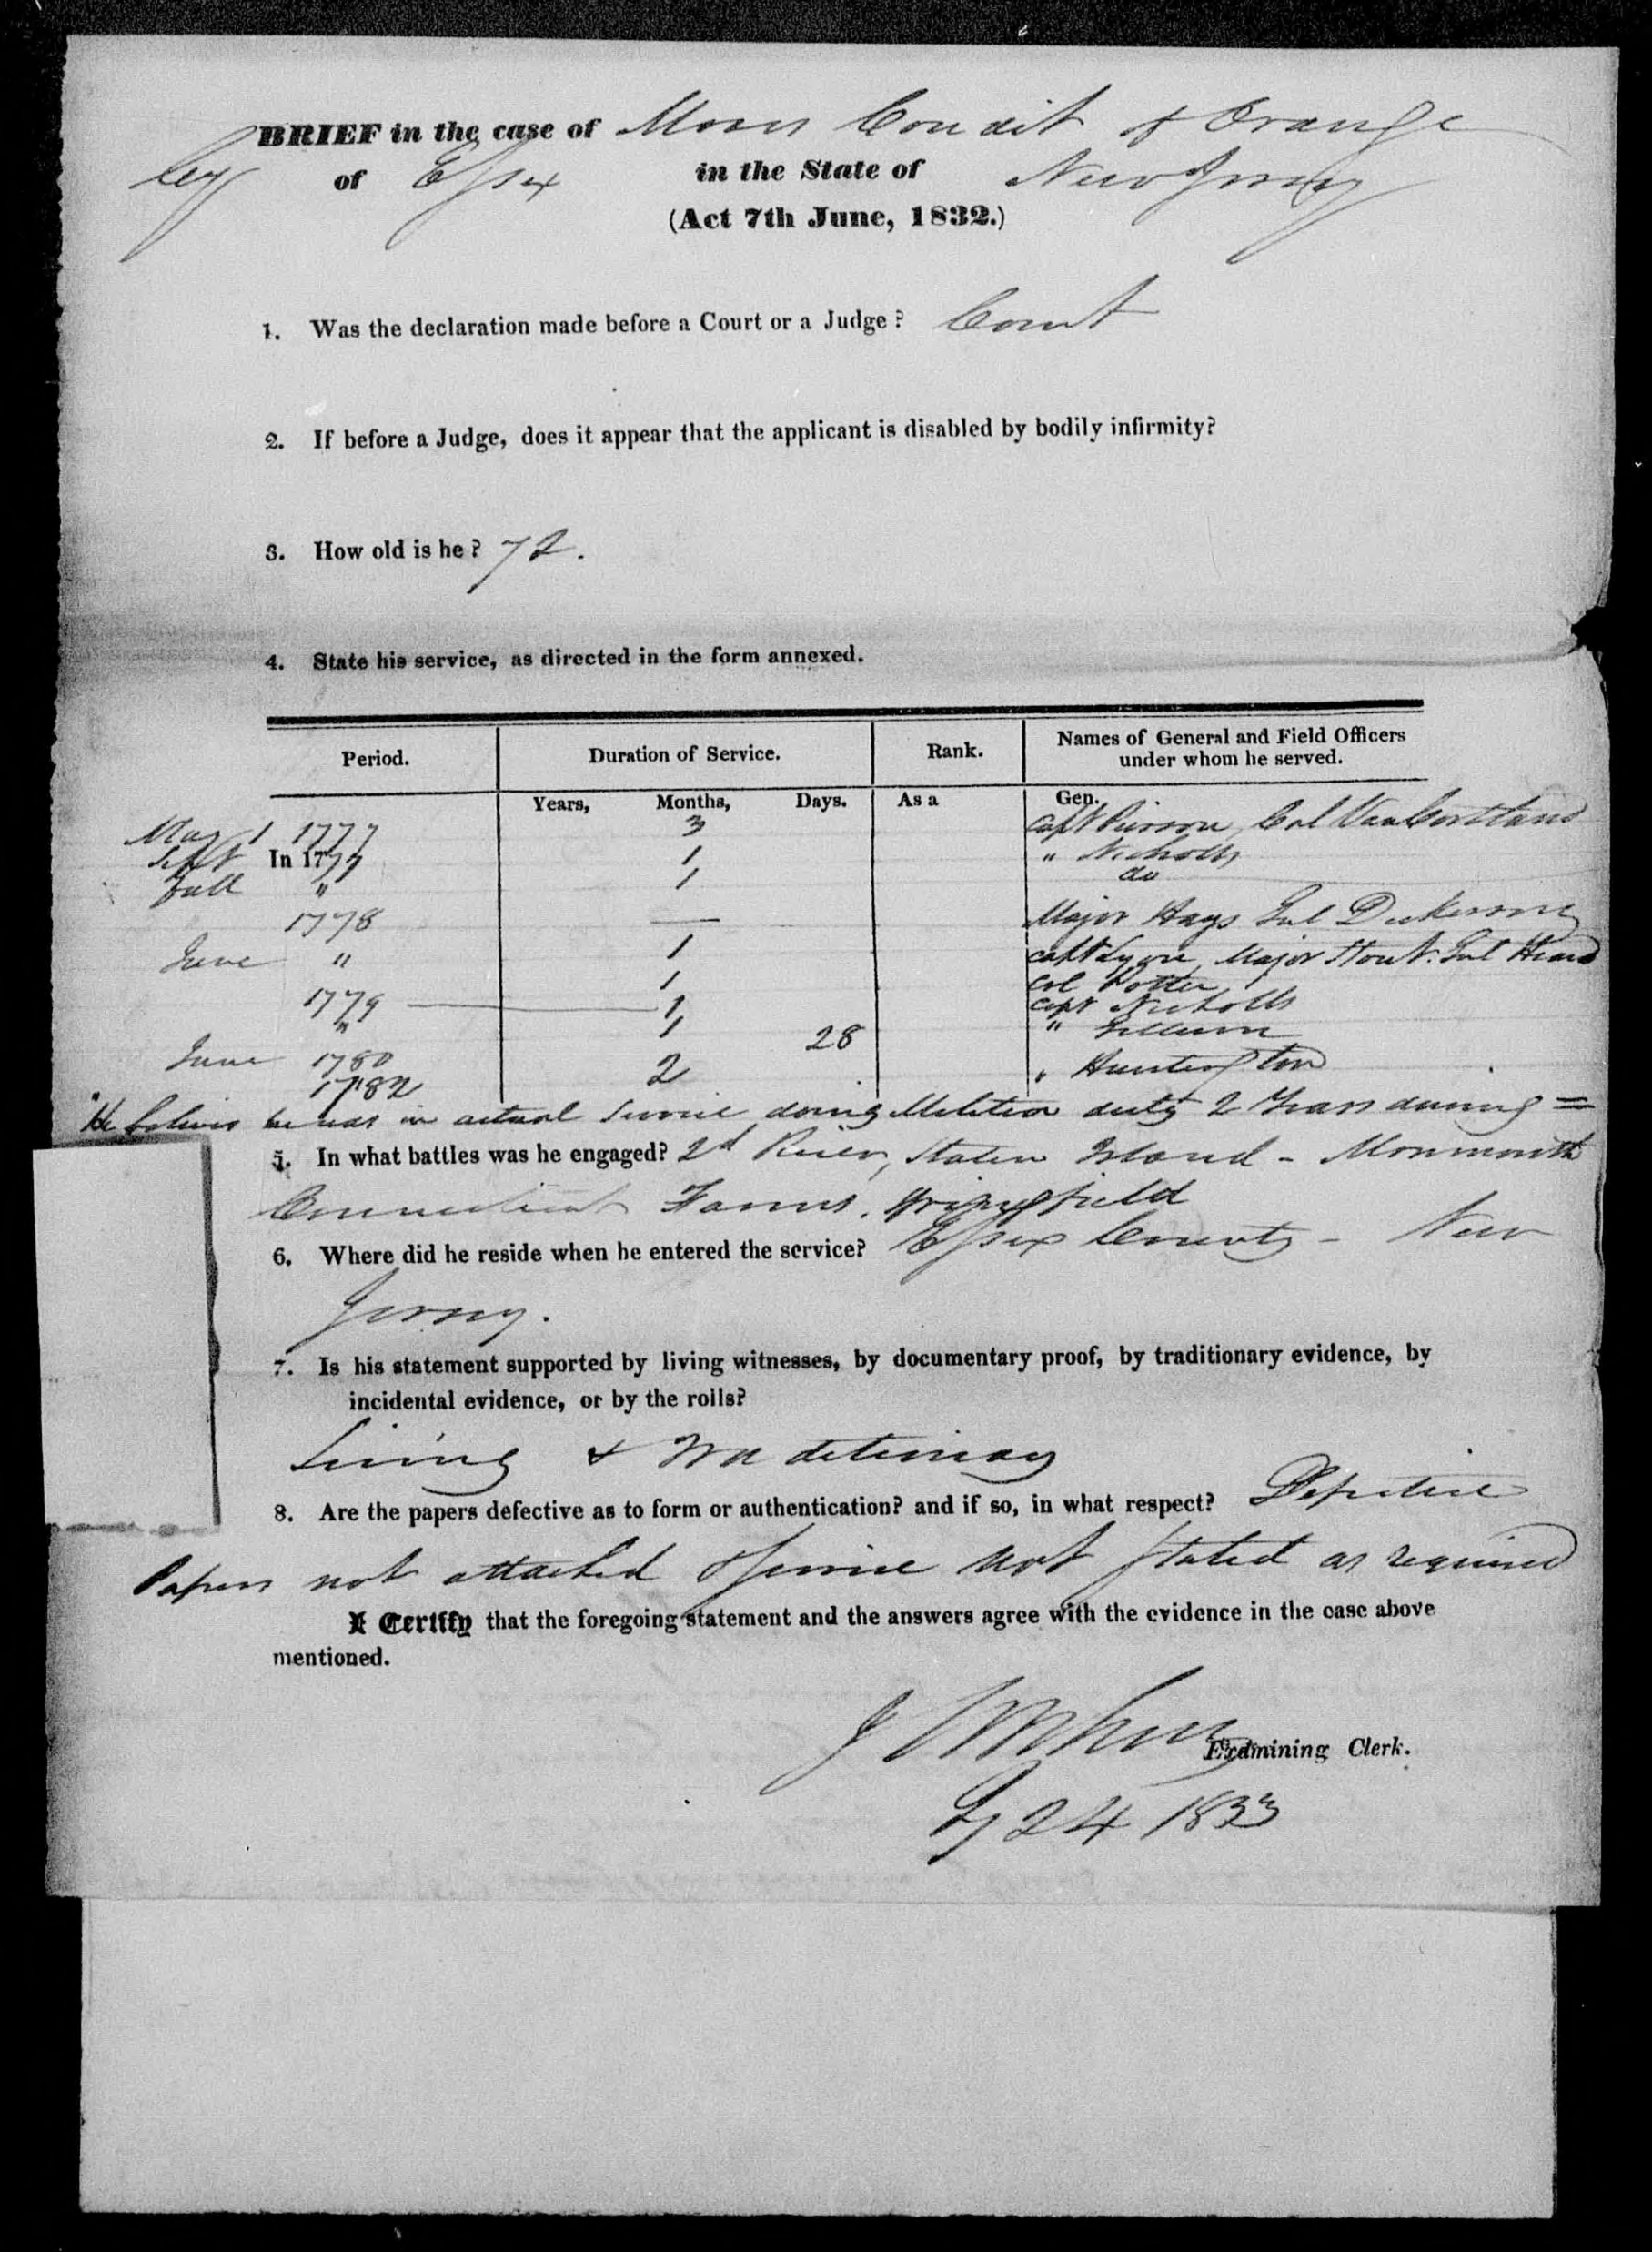BRIEF in the case of Moses Condit of Orange Cy of Essex in the State of New Jersey
(Act 7th June, 1832.)
1. Was the declaration made before a Court or a Judge? Court
2. If before a Judge, does it appear that the applicant is disabled by bodily infirmity?
3. How old is he? 72
4. State his service, as directed in the form annexed.
Period. |  Duration of Service | Rank
May 1 1777   3 months
Sept In 1777  1 month
Fall 1777  1 month
1778   ----
June 1778  1 month
1779 1 month
"   1 month
June 1780  28 days
1782  2 months

Names of General and Field Officers
under whom he served.
Capt Pierson, Col Van Cortland
Capt Nichols
Do
Major Hays Lut Dickerson
Capt Lyon, Major Stout, Genl heard
Col Potter,
Capt Nicholls
Capt Gillum
Capt Huntingon  He belives he was in actual service doing Militia 2 years during ==
5. In what battles was he engaged?  2d River, Staten Island, Monmouth, Connecticut Farms, Springfield
6. Where did he reside when he entered the service?  Essex County, New Jersey
7.  Is his statement supported by living witnesses, by documentary proof, by traditonary evidence, incidental evidence, or by the rolls?  Living & traditionary
8. Are the papers defective as to form or authentication? and if so, in what respect?  
Defective? papers not attached  & service not stated as required.
I certify that the foregoing statement and the answers agree with the evidence in the case above mentioned.
J Wilson Examining Clerk
Jy 24 1833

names: Pierson, Moses Condit, Hurd, Potter, Lyon, Hays, Gillum, Nicholls, Van Cortland, Dickenson, Huntington, J Wilson, Nicholls, Stout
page: 9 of 23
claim: survivor's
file: S. 3212, Moses Condit, New Jersey